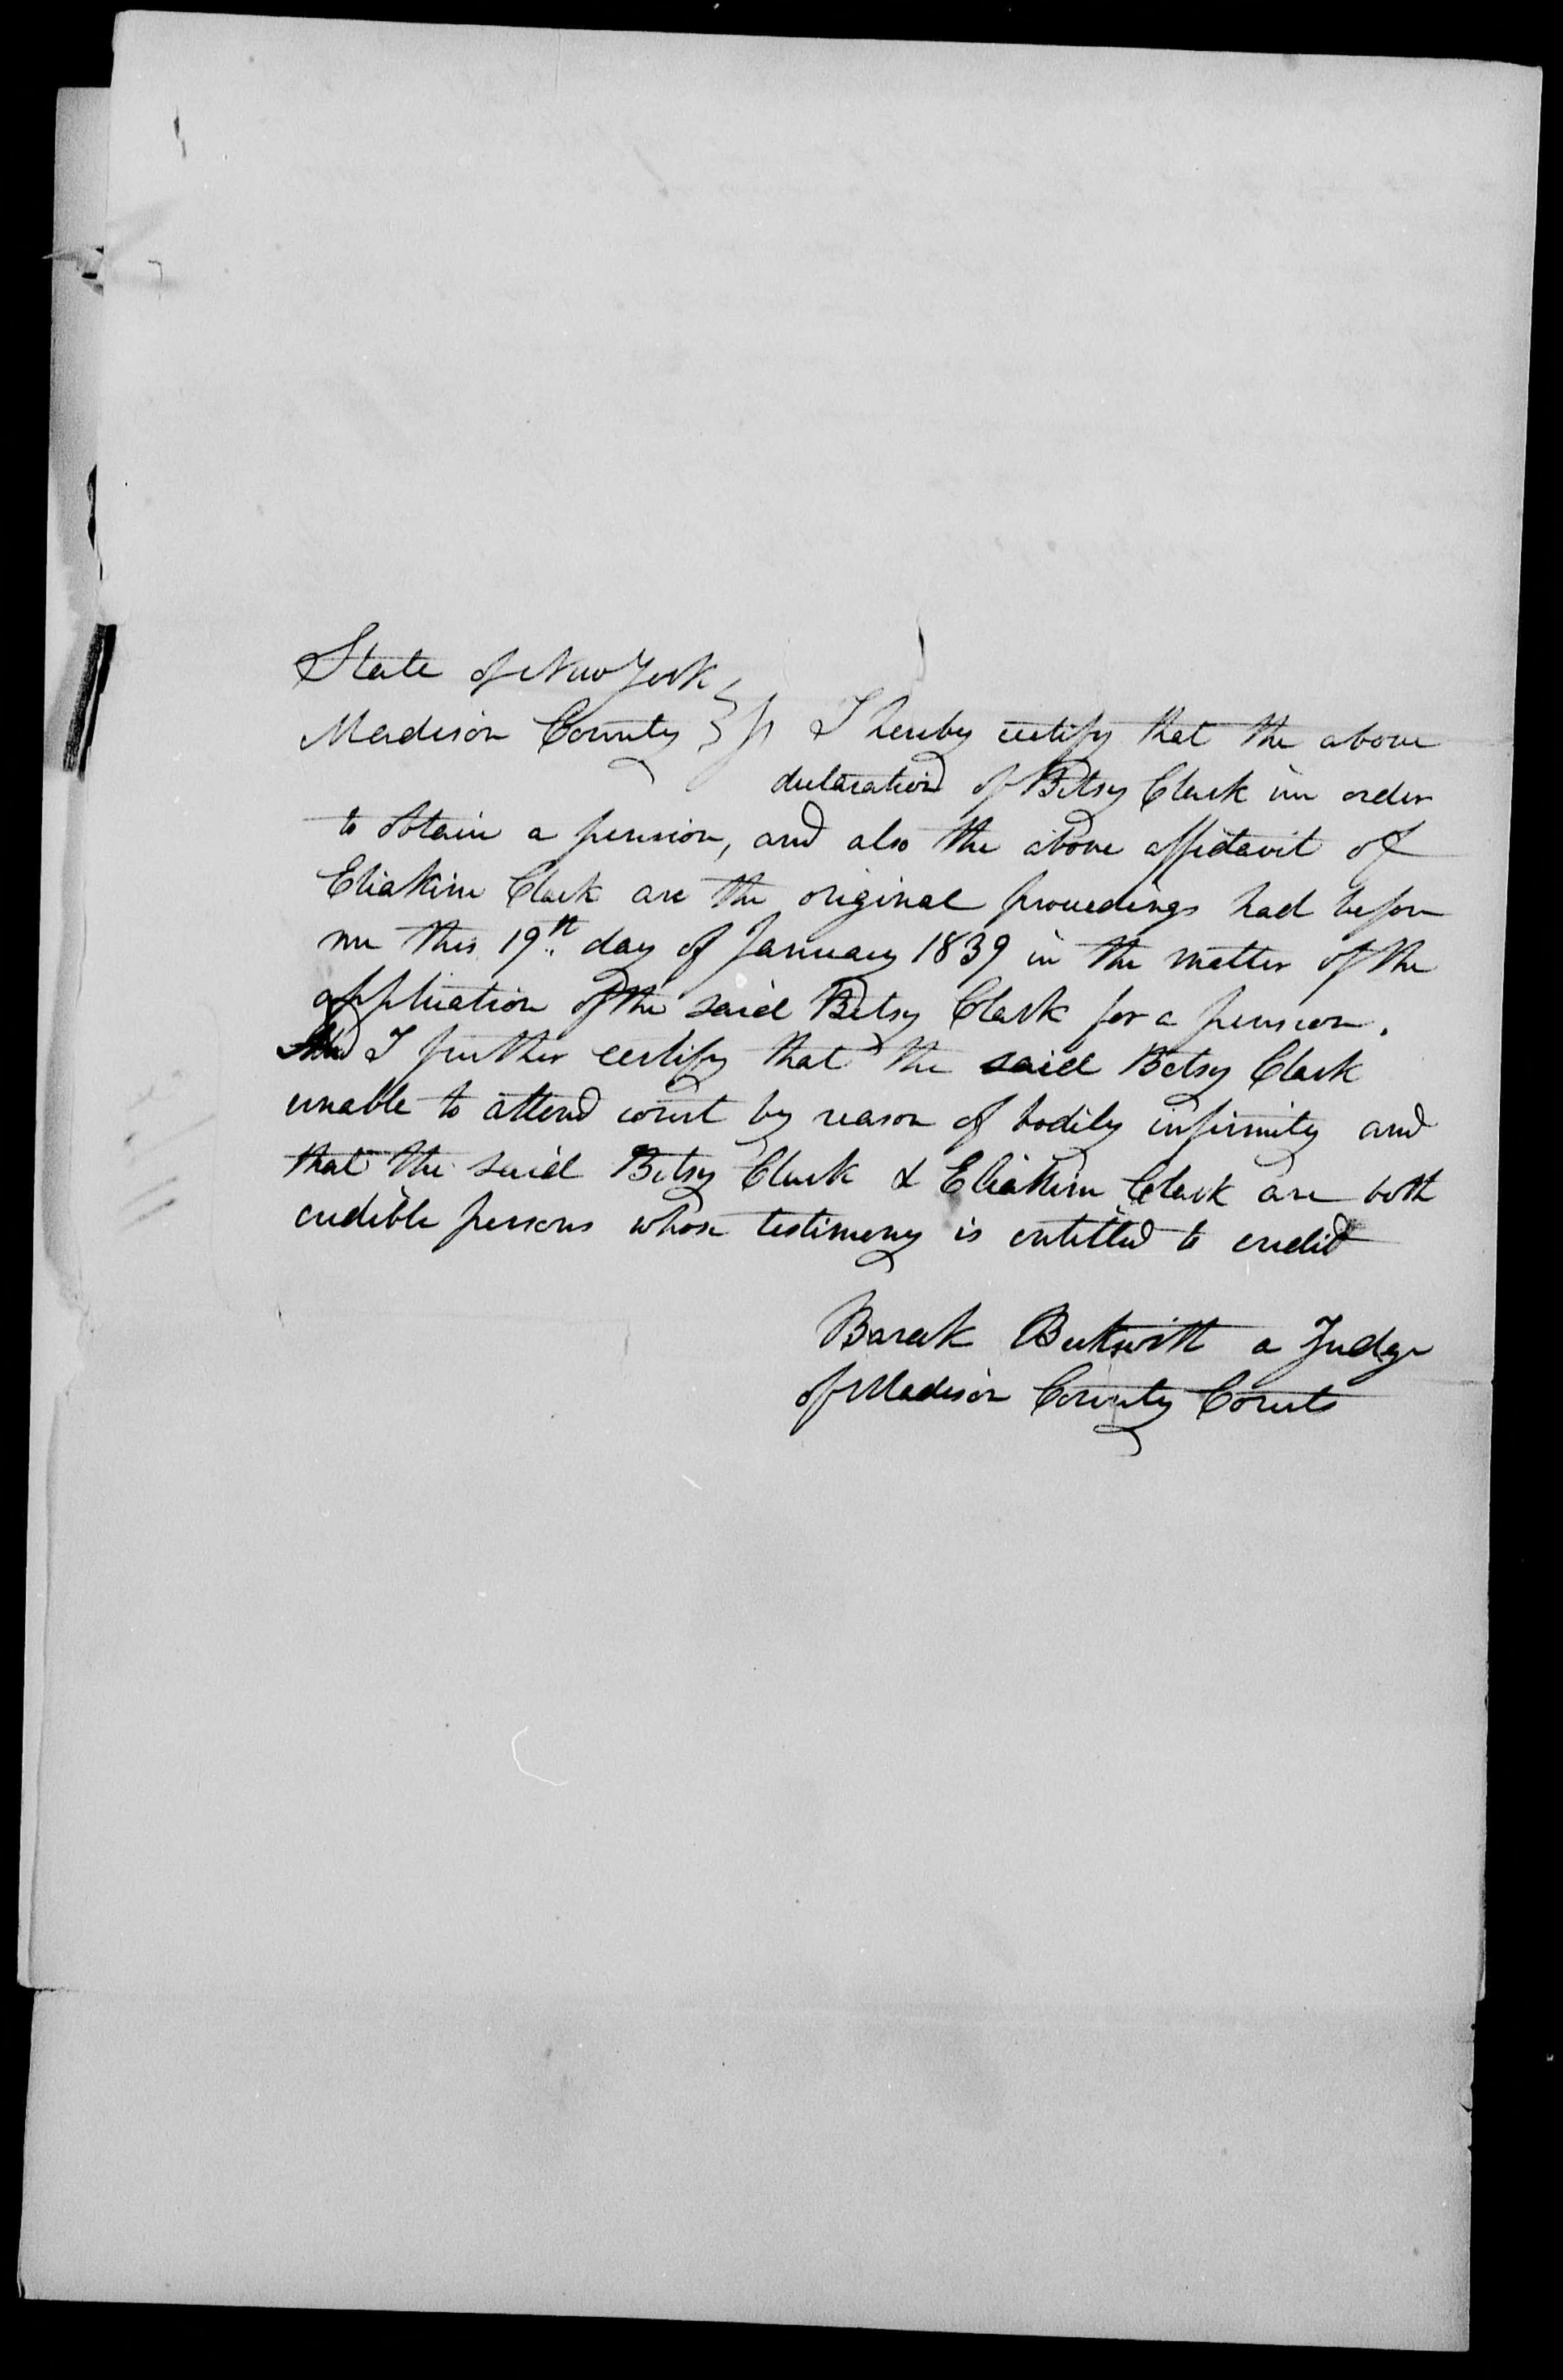[handwritten]
State of New York
Madison County} ss
I hereby certify that the above declaration of Betsy Clark in order to obtain a pension, and also the above affidavit of Eliakim Clark are the original proceedings had before me this 19th day of January 1839 in the matter of the application of the said Betsy Clark for a pension. And I further certify that the said Betsy Clark unable to attend court by reason of bodily infirmity and that the said Betsy Clark & Eliakim Clark are both credible persons whose testimony is entitled to credit
[signed]
Barak Beckwith a Judge
of Madison County Court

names: Betsy Clark, Eliakim Clark, Betsy Clark, Barak Beckwith, Eliakim Clark, Betsy Clark, Betsy Clark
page: 40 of 51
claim: widow's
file: W. 23816, Oliver Clark, Conn.